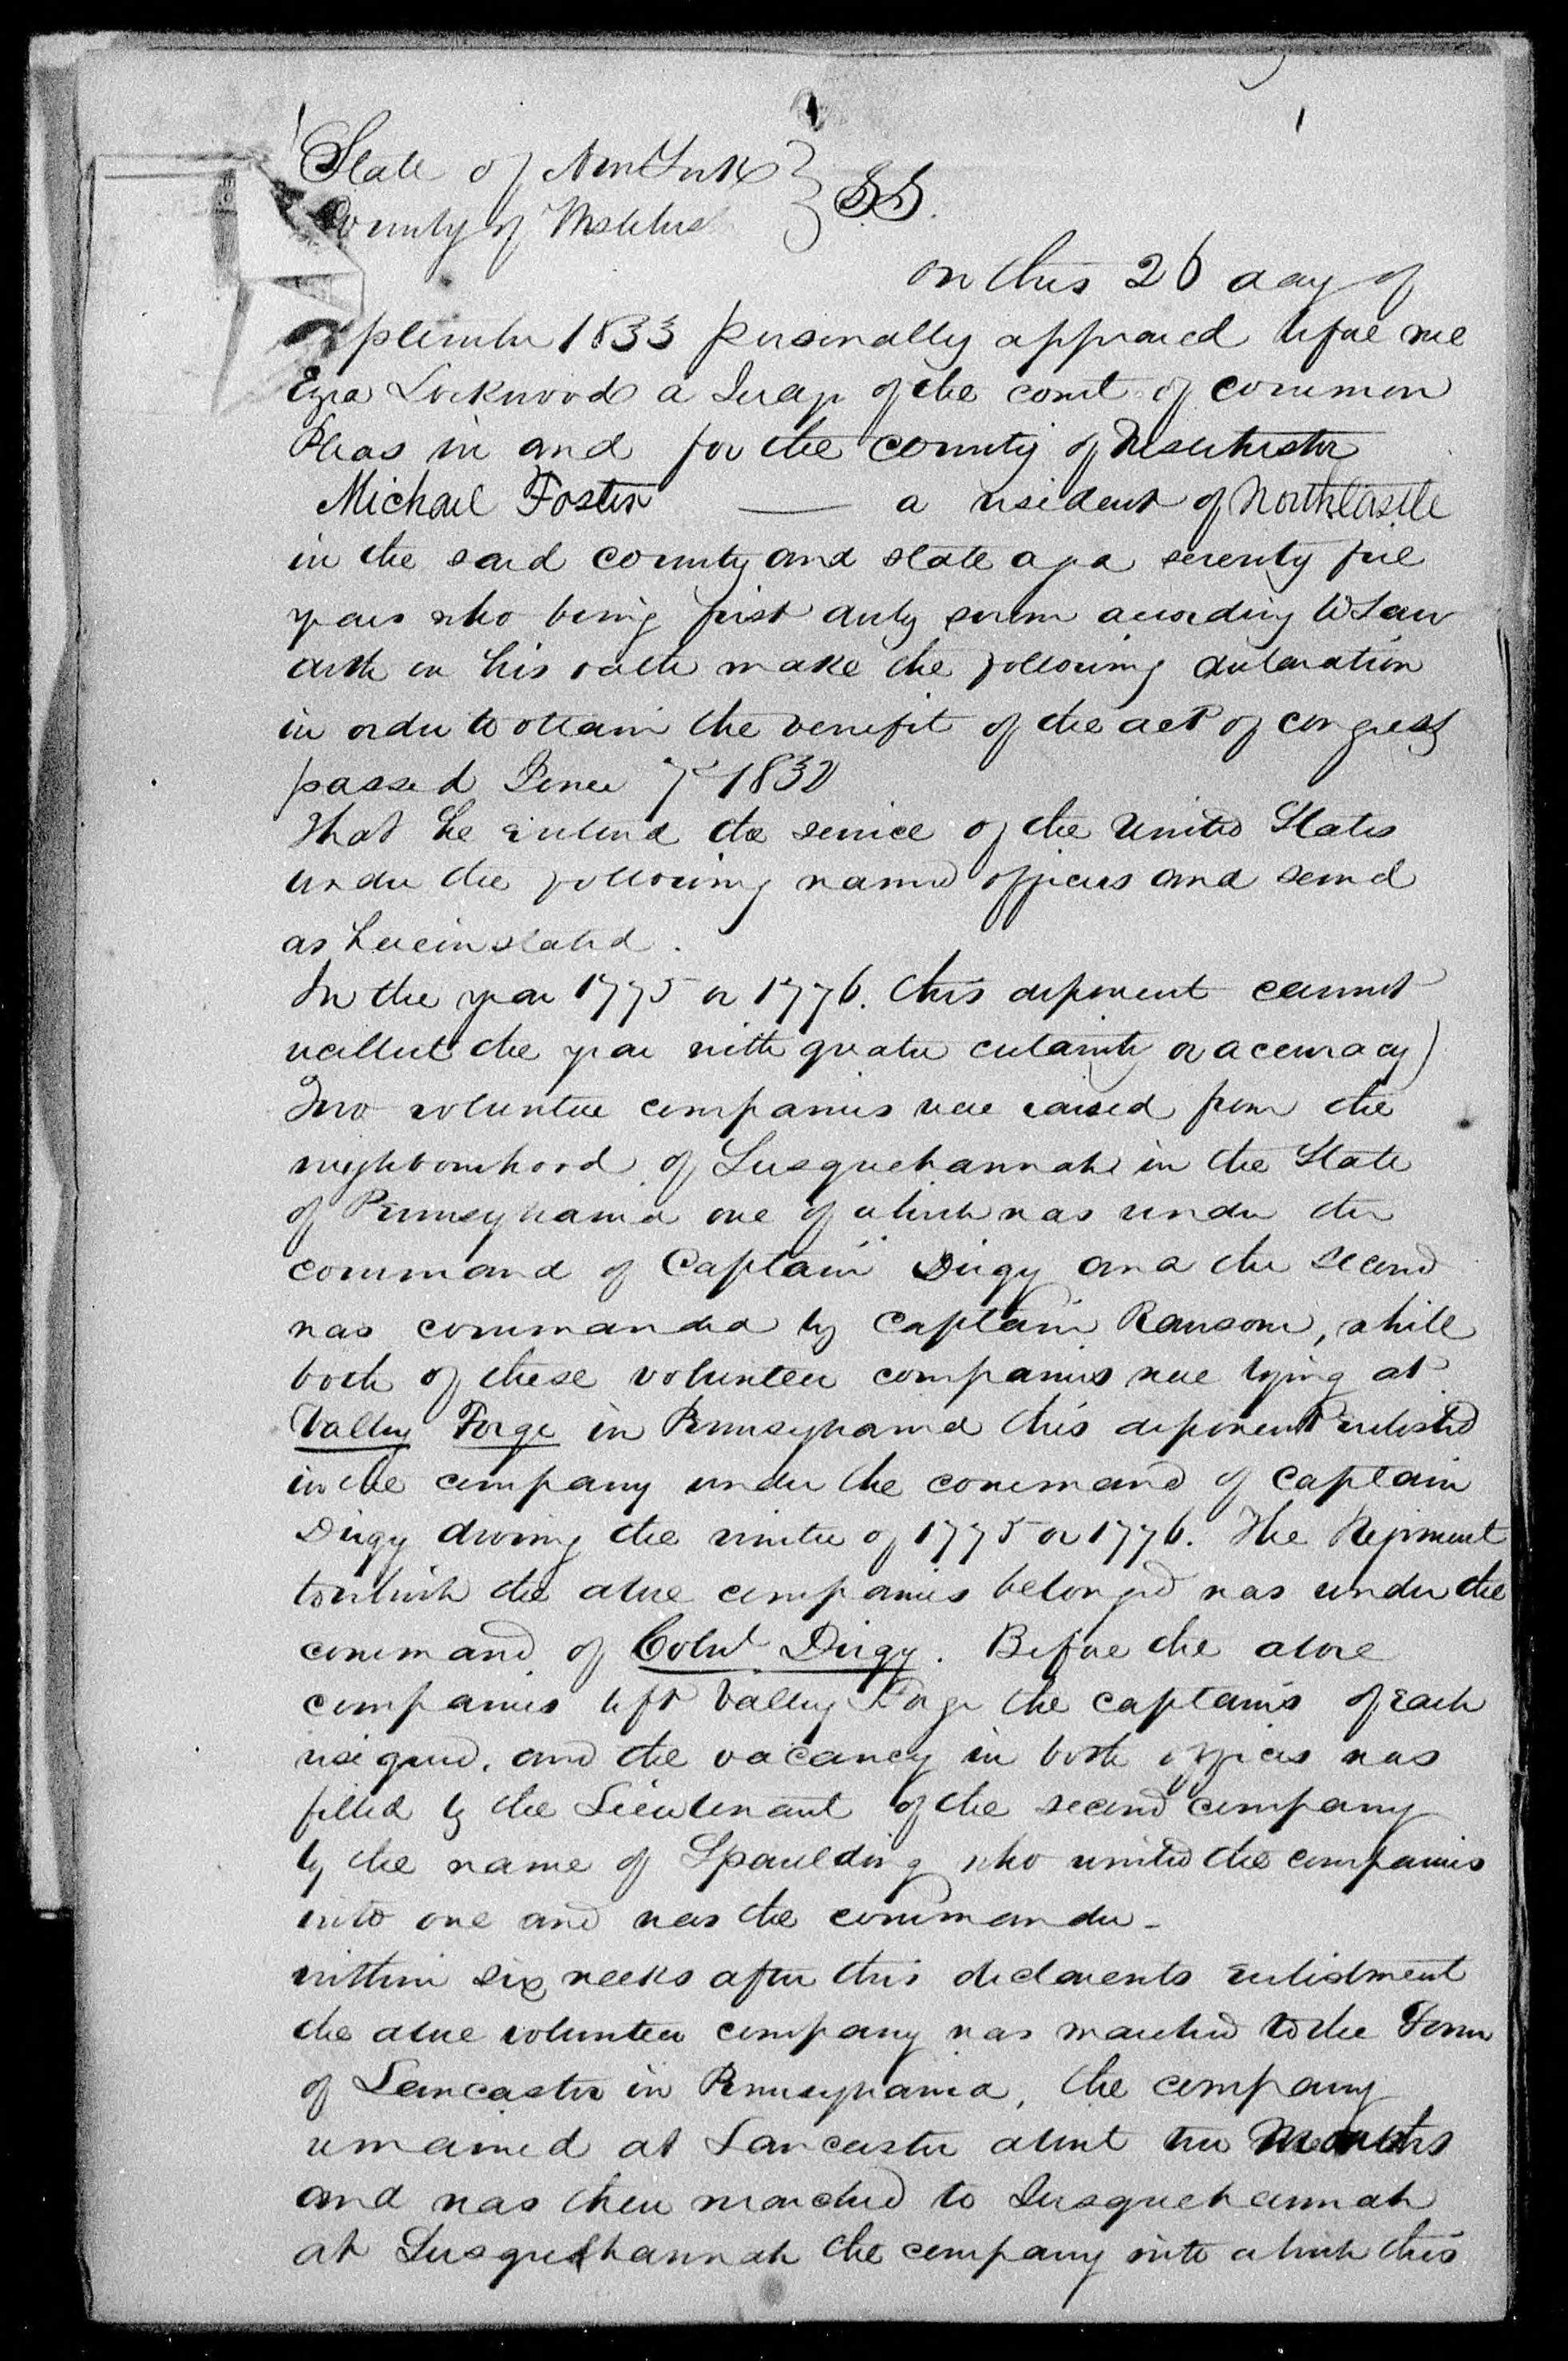State of New York
County of West Chester SS

On this 26 day of September 1833 personally appeared before me Ezra Lockwood a Judge of the Court of Common Pleas in and for the county of Westcheter
Michael Foster--a resident of NorthCastle in the said county and state age seventy five years who being first duly sworn according to Law doth on his oath make the following declaration in order to obtain the benefit of the Act of Congress passed June 7 1832.
That he entered the service of the United States under the following named officers and served as herein stated.
In the year 1775 or 1776 this deponent cannot recall the year with greater certainty or accuracy. Two volunteer companies were raised from the neighborhood of Susquehannah in the State of Pennsylvania one which was under the command of Captain Dirgy and the second was commanded by Captain Ransom, while both of these volunteer companies were laying at Valley Forge in Pennsylvania this deponent enlisted in the company under the command of Captain Dirgy during the winter of 1775 or 1776. The Regiment to which the whole companies belonged was under the command of Colonel Dirgy. Before the above companies left Valley Forge the captains of each resigned, and the vacancy in both officers was filled by the Lieutenant of the second company by the name of Spaulding who united the companies into one and was the commander. 
Within six weeks after this declarents enlistment the whole volunteer company was marched to the Town of Lancaster in Pennsylvania, the company remained at Lancaster about two months and was then marched to Susquehanna at Susquehanna the company into which this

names: Cahill, Spaulding, Dirgy, Dirgy, Ezra Lockwood, Dirgy, Ransom, Michael Foster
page: 6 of 57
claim: widow's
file: W. 5275 1/2, Michael Foster, Penn.